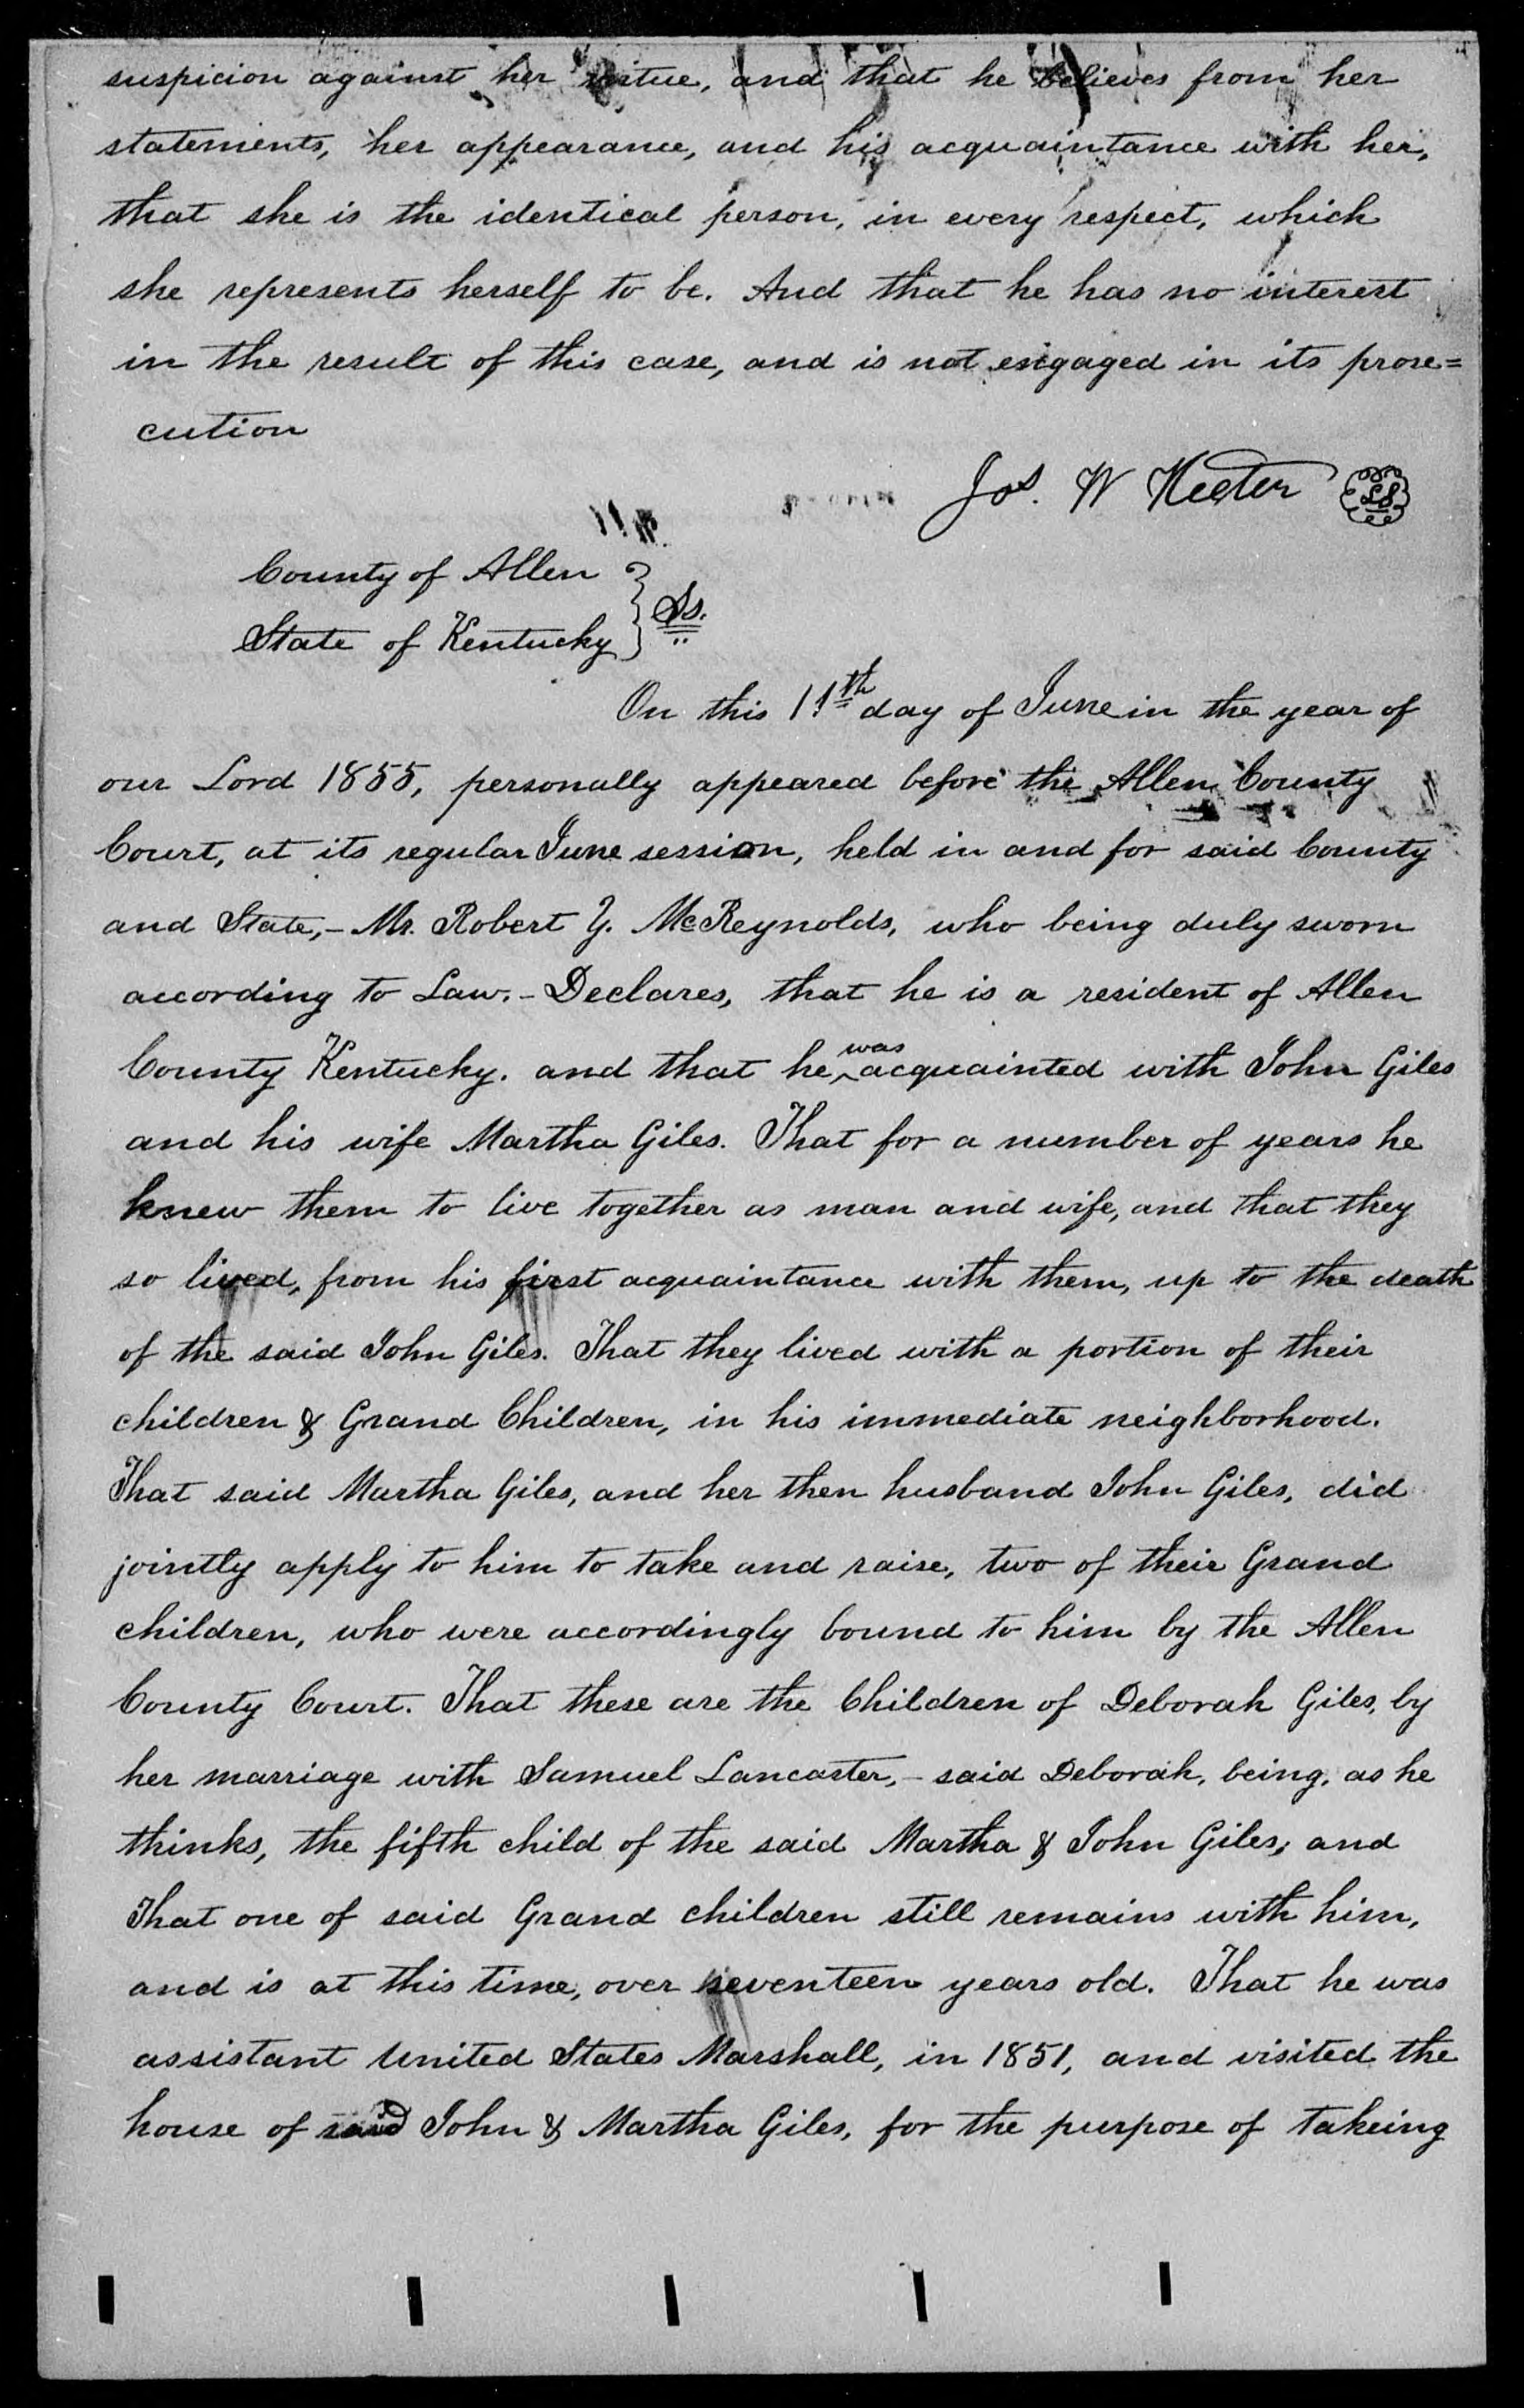suspicion against her virtue, and that he believes from her statements, her appearance, and his acquaintance with her, that she is the identical person, in every respect, which she represents herself to be, And that he has no interest in the result of this case, and is not engaged in its prosecution
Jos W. Heeter

County of Allen} Ss
State of Kentucky }

On this 11th day of June in the year of our Lord 1855, personally appeared before the Allen County Court, at its regular June session, held in and for said County and State, Mr. Robert Y. McReynolds, who being duly sworn according to Law, Declares, that he is a resident of Allen County Kentucky, and that he was acquainted with John Giles and his wife Martha Giles. That for a number of years he knew them to live together as man and wife, and that they so lived, from his first acquaintance with them, up to the death of the said John Giles. That they lived with a portion of their children and grand children, in  his immediate neighborhood. That said Martha Giles, and her then husband John Giles, did jointly apply to him to take and raise, two of their Grand children, who were accordingly bound to him by the Allen County Court. That these are the children of Debroah Giles, by her marriage with Samuel Lancaster, said Deborah, being, as he thinks, the fifth child of the said Martha and John Giles, and that one of said grand children still remains with him, and is at this time, over seventeen years old. That h was assistant United States Marshall, in 1851, and visited the house of said John and Martha Giles, for the purpose of taking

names: John Giles, Robert Y Mc Reynolds, Jos W Heeter, John Giles, Martha Giles, Samuel Lancaster, John Giles, Martha Giles, Martha Giles, John Giles, Martha Giles, Deborah, John Giles, Deborah Giles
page: 27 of 82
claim: widow's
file: W. 7,522, John Giles, N.C.